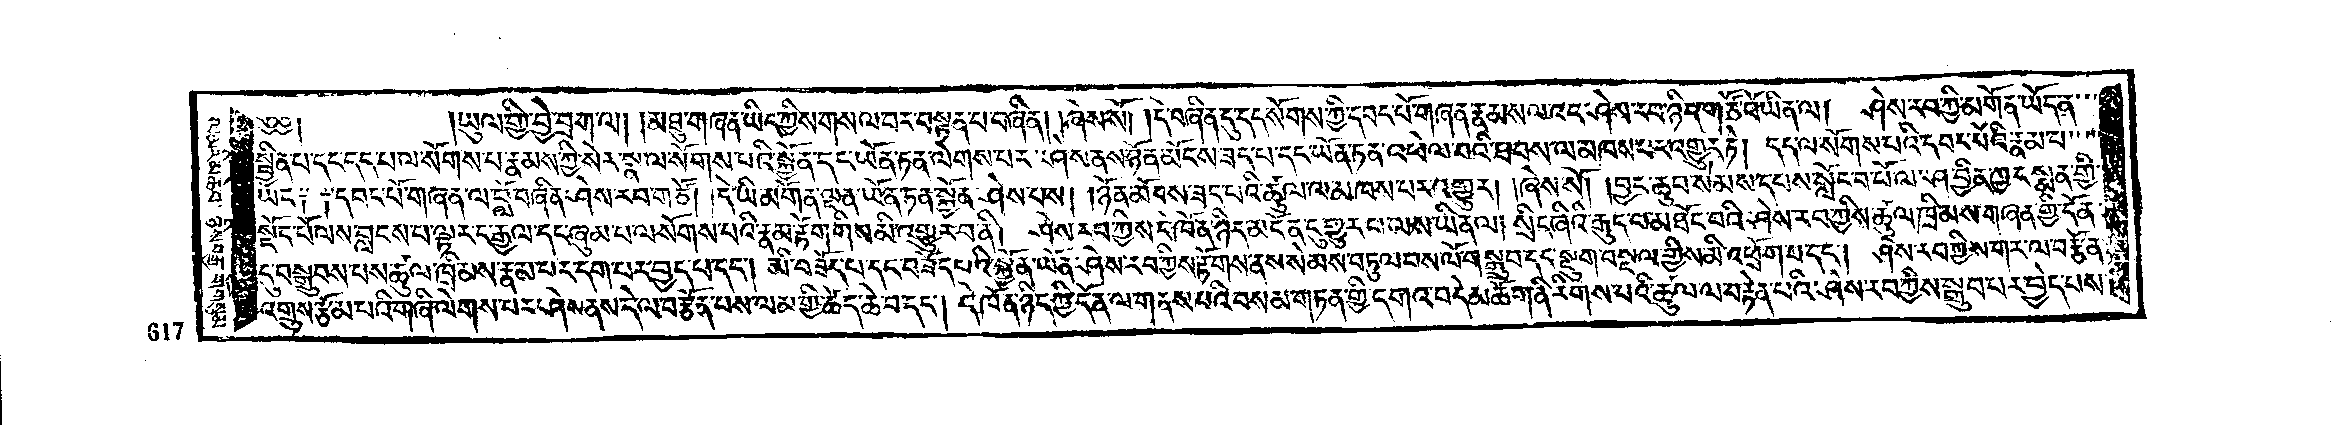༄༅། །ཡུལ་གྱི་བྱེ་བྲག་ལ། །མཐུ་གཞན་ཡིད་ཀྱིས་གསལ་བར་བསྟན་པ་བཞིན། །ཞེས་སོ། །དེ་བཞིན་དུ་དད་སོགས་ཀྱི་དབང་པོ་གཞན་རྣམས་ལའང་ཤེས་རབ་ཉིད་གཙོ་བོ་ཡིན་ལ། ཤེས་རབ་ཀྱི་མགོན་ཡོད་ན་
སྦྱིན་པ་དང་དད་པ་ལ་སོགས་པ་རྣམས་ཀྱི་སེར་སྣ་ལ་སོགས་པའི་སྐྱོན་དང་ཡོན་ཏན་ལེགས་པར་ཤེས་ནས་ཉོན་མོངས་ཟད་པ་དང་ཡོན་ཏན་འཕེལ་བའི་ཐབས་ལ་མཁས་པར་འགྱུར་ཏེ། དད་ལ་སོགས་པའི་དབང་པོའི་རྣམ་པ་
ཡང༑ ༑དབང་པོ་གཞན་ལ་བློ་བཞིན་ཤེས་རབ་གཙོ། །དེ་ཡི་མགོན་ལྡན་ཡོན་ཏན་སྐྱོན་ཤེས་པས། །ཉོན་མོངས་ཟད་པའི་ཚུལ་ལ་མཁས་པར་འགྱུར། །ཞེས་སོ། །བྱང་ཆུབ་སེམས་དཔས་སློང་བ་པོ་ལ་ཤ་བྱིན་ཀྱང་སྨན་གྱི་
སྡོང་པོ་ལས་བླངས་པ་ལྟར་ང་རྒྱལ་དང་ཞུམ་པ་ལ་སོགས་པའི་རྣམ་རྟོག་གིས་མི་འགྱུར་བ་ནི། ཤེས་རབ་ཀྱིས་དེ་ཁོ་ན་ཉིད་མངོན་དུ་གྱུར་པ་ལས་ཡིན་ལ། སྲིད་ཞིའི་རྒུད་པ་མཐོང་བའི་ཤེས་རབ་ཀྱིས་ཚུལ་ཁྲིམས་གཞན་གྱི་དོན་
དུ་བསྒྲུབས་པས་ཚུལ་ཁྲིམས་རྣམ་པར་དག་པར་བྱེད་པ་དང་། མི་བཟོད་པ་དང་བཟོད་པའི་སྐྱོན་ཡོན་ཤེས་རབ་ཀྱིས་རྟོགས་ནས་སེམས་བཏུལ་བས་ལོག་སྒྲུབ་དང་སྡུག་བསྔལ་གྱིས་མི་འཕྲོག་པ་དང་། ཤེས་རབ་ཀྱིས་གང་ལ་བརྩོན་
འགྲུས་རྩོམ་པའི་གཞི་ལེགས་པར་ཤེས་ནས་དེ་ལ་བརྩོན་པས་ལམ་གྱི་ཆོད་ཆེ་བ་དང་། དེ་ཁོན་ཉིད་ཀྱི་དོན་ལ་གནས་པའི་བསམ་གཏན་གྱི་དགའ་བདེ་མཆོག་ནི་རིགས་པའི་ཚུལ་ལ་བརྟེན་པའི་ཤེས་རབ་ཀྱིས་སྒྲུབ་པར་བྱེད་པས་